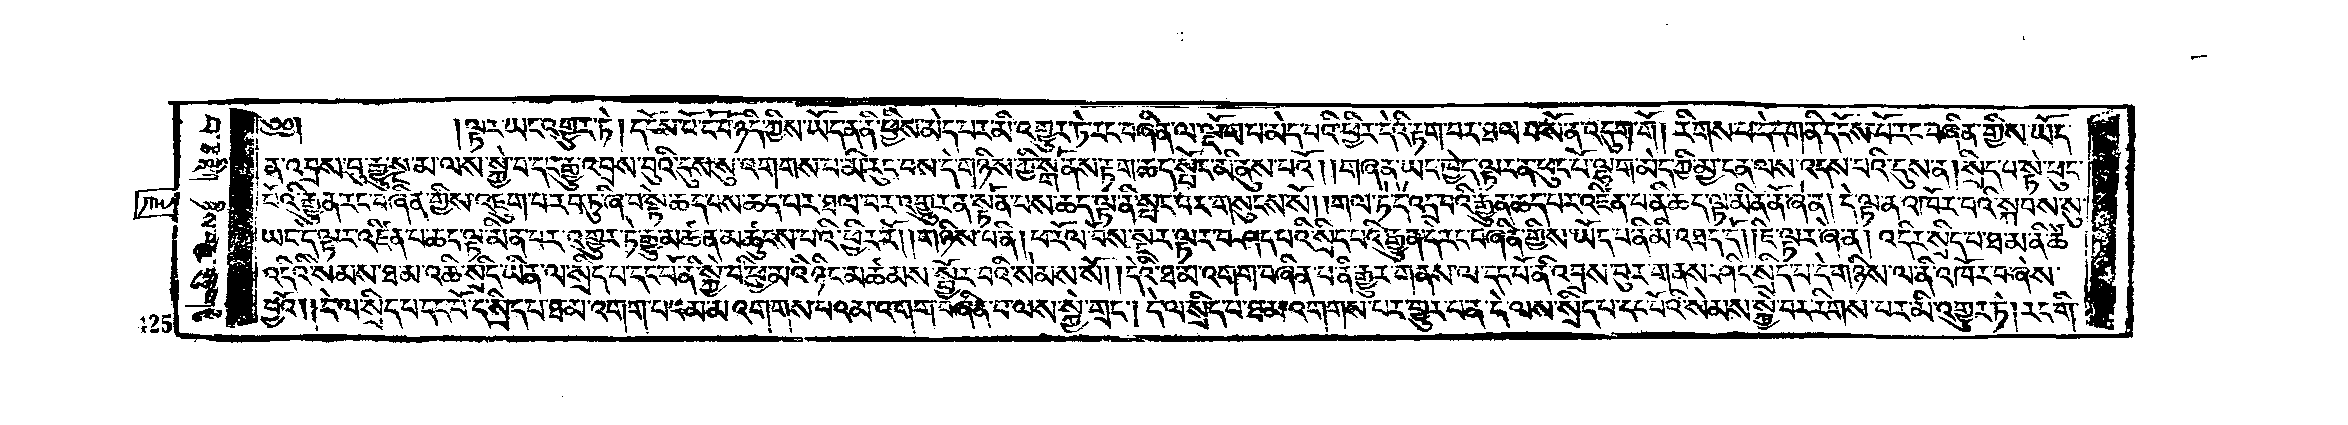༄༅། །ལྟར་ཡང་འགྱུར་ཏེ། དངོས་པོ་ངོ་བོ་ཉིད་ཀྱིས་ཡོད་ན་ནི་ཕྱིས་མེད་པར་མི་འགྱུར་ཏེ་རང་བཞིན་ལ་ལྡོག་པ་མེད་པའི་ཕྱིར་དེའི་རྟག་པར་ཐལ་བ་སོན་འདུག་གོ། རིགས་པ་དེ་དག་ནི་དངོས་པོ་རང་བཞིན་གྱིས་ཡོད་
ན་འབྲས་བུ་རྒྱུ་སྔ་མ་ལས་སྐྱེ་བ་དང་རྒྱུ་འབྲས་བུའི་དུས་སུ་འགགས་པ་མི་རུང་བས་དེ་གཉིས་ཀྱི་སྒོ་ནས་རྟག་ཆད་སྤོང་མི་ནུས་པའོ། །གཞན་ཡང་ཁྱེད་ལྟར་ན་ཕུང་པོ་ལྷག་མེད་ཀྱི་མྱ་ངན་ལས་འདས་པའི་དུས་ན། སྲིད་པ་སྟེ་ཕུང་
པོའི་རྒྱུན་རང་བཞིན་གྱིས་འཇུག་པ་རབ་ཏུ་ཞི་བ་སྟེ་ཆད་པས་ཆད་པར་ཐལ་བར་འགྱུར་ན་སྟོན་པས་ཆད་ལྟ་ནི་སྤང་བར་གསུངས་སོ། །གལ་ཏེ་དེ་འདྲ་བའི་རྒྱུན་ཆད་པར་འཛིན་པ་ནི་ཆད་ལྟ་མིན་ནོ་ཞེ་ན། དེ་ལྟ་ན་འཁོར་བའི་སྐབས་སུ་
ཡང་དེ་ལྟར་འཛིན་པ་ཆད་ལྟ་མིན་པར་འགྱུར་ཏེ་རྒྱུ་མཚན་མཚུངས་པའི་ཕྱིར་རོ། །གཉིས་པ་ནི། ཕ་རོལ་པོས་སྔར་ལྟར་བཤད་པའི་སྲིད་པའི་རྒྱུན་དེ་རང་བཞིན་གྱིས་ཡོད་པ་ནི་མི་འཐད་དོ། །ཇི་ལྟར་ཞེ་ན། འདིར་སྲིད་པ་ཐ་མ་ནི་ཚེ་
འདིའི་སེམས་ཐ་མ་འཆི་སྲིད་ཡིན་ལ་སྲིད་པ་དང་པོ་ནི་སྐྱེ་བ་ཕྱི་མའི་ཉིད་མཚམས་སྦྱོར་བའི་སེམས་སོ། །དེའི་ཐ་མ་འགག་བཞིན་པ་ནི་རྒྱུར་གནས་ལ་དང་པོ་ནི་འབྲས་བུར་གནས་ཤིང་སྲིད་པ་དེ་གཉིས་ལ་ནི་འཁོར་བ་ཞེས་
བྱའོ། །དེ་ལ་སྲིད་པ་དང་པོ་དེ་སྲིད་པ་ཐ་མ་འགག་པའམ་མ་འགགས་པའམ་འགག་བཞིན་པ་ལས་སྐྱེ་གྲང་། དེ་ལ་སྲིད་པ་ཐ་མ་འགགས་པར་གྱུར་པ་ན་དེ་ལས་སྲིད་པ་དང་པོའི་སེམས་སྐྱེ་བར་རིགས་པར་མི་འགྱུར་ཏེ། རང་གི་